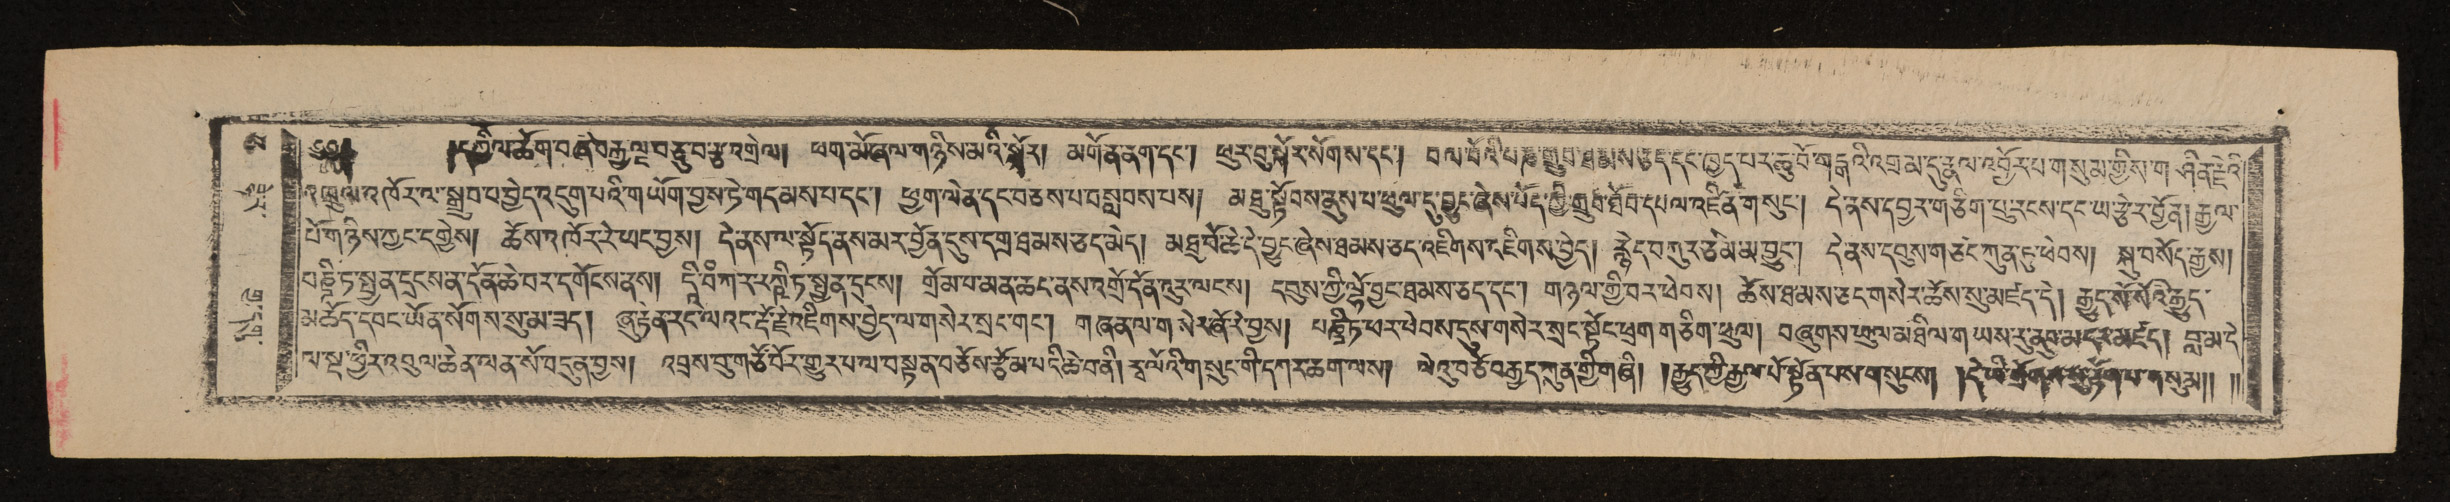༄༅། །དཀྱིལ་ཆོག་བཞི་བརྒྱ་ལྔ་བཅུ་པ་རྩ་འགྲེལ། ཕག་མོ་ཞལ་གཉིས་མའི་སྐོར། མགོན་ནག་དང་། ཕུར་བུ་སྐོར་སོགས་དང་། བལ་པོའི་པཎ་གྲུབ་ཐམས་ཅད་དང་ཁྱད་པར་ཆུ་བོ་གངྒའི་འགྲམ་དུ་རྣལ་འབྱོར་པ་གསུམ་གྱིས་གཤིན་རྗེའི་
འཁྲུལ་འཁོར་ལ་སྒྲུབ་པ་བྱེད་འདུག་པའི་གཡོག་བྱས་ཏེ་གདམས་པ་དང་། ཕྱག་ལེན་དང་བཅས་པ་བསླབས་པས། མཐུ་སྟོབས་ནུས་པ་ཕུལ་དུ་བྱུང་ཞེས་བོད་ཀྱི་གྲུབ་ཐོབ་དཔལ་འཛིན་གསུང་། དེ་ནས་དབྱར་གཅིག་པུ་རངས་དང་ཡ་རྩེར་བྱོན། རྒྱལ་
པོ་གཉིས་ཀྱང་དགྱེས། ཆོས་འཁོར་རེ་ཡང་བྱས། དེ་ནས་ལ་སྟོད་ནས་མར་བྱོན་དུས་དགྲ་ཐམས་ཅད་མེད། མཐུ་བོ་ཆེ་དེ་བྱུང་ཞེས་ཐམས་ཅད་འཇིགས་འཇིགས་བྱེད། རྙེད་བཀུར་ཙམ་མ་བྱུང་། དེ་ནས་དབུས་གཙང་ཀུན་ཏུ་ཕེབས། སྐུ་བསོད་རྒྱས།
པཎྜི་ཏ་སྤྱན་དྲངས་ན་དོན་ཆེ་བར་དགོངས་ནས། དཱི་བཾ་ཀ་ར་རཀྵི་ཏ་སྤྱན་དྲངས། གྲོམ་བ་མན་ཆད་ནས་འགྲོ་དོན་འུར་ལངས། དབུས་ཀྱི་ལྷོ་བྱང་ཐམས་ཅད་དང་། གཉལ་གྱི་བར་ཕེབས། ཆོས་ཐམས་ཅད་གསེར་ཆོས་སུ་མཛད་དེ། རྒྱུད་སོ་སོའི་རྒྱུད་
མཆོད་དབང་ཡོན་སོགས་སུ་མ་ཟད། ཞུ་རྟེན་རང་ལའང་རྡོ་རྗེ་འཇིགས་བྱེད་ལ་གསེར་སྲང་གང་། གཞན་ལ་གསེར་ཞོ་རེ་བྱས། པཎྜི་ཏ་ཕར་ཕེབས་དུས་གསེར་སྲང་སྟོང་ཕྲག་གཅིག་ཕུལ། བཞུགས་ཡུལ་མཐིལ་གཡས་རུ་ནུབ་མདར་མཛད། བླ་མ་དེ་
ལ་སྔ་ཕྱིར་འབུལ་ཆེན་ལན་སོ་བདུན་བྱས། འབྲས་བུ་གཙོ་བོར་གྱུར་པ་ལ་བསྟན་བཅོས་རྩོམ་པའི་ཆེ་བ་ནི། རྭ་ལོའི་གསུང་གི་དཀར་ཆག་ལས། ལེའུ་བཅོ་བརྒྱད་ཀུན་གྱི་གཞི། །རྒྱུད་ཀྱི་རྒྱལ་པོ་སྟོན་པས་གསུངས། །དེ་ཡི་གྲོགས་སུ་རྟོག་པ་གསུམ། །